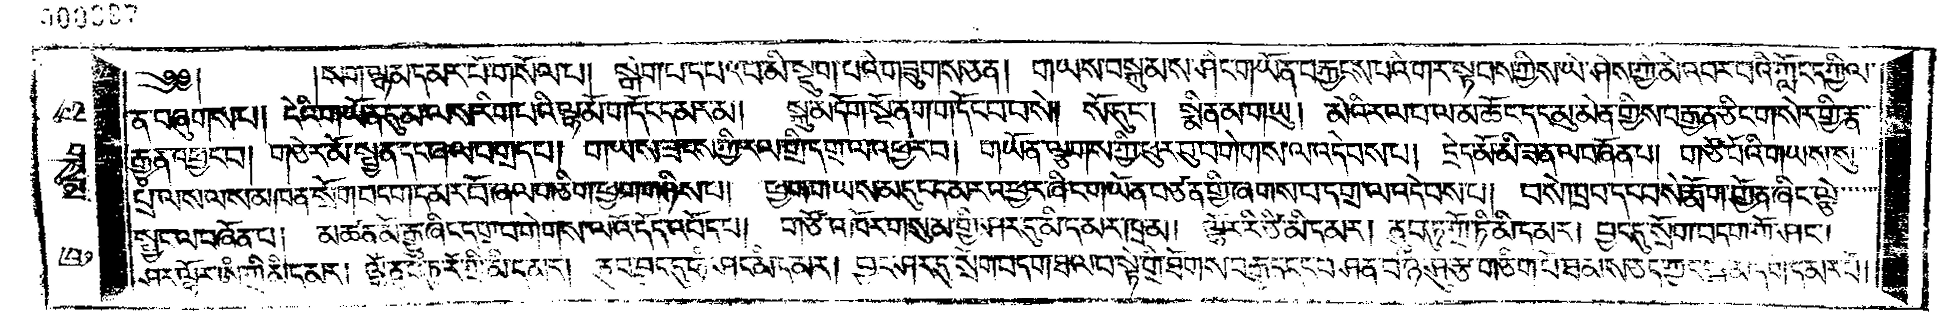༄༅། །སག་ལྷམ་དམར་པོ་གསོལ་པ། སྒེག་པ་དཔའ་བ་མི་སྡུག་པའི་གཟུགས་ཅན། གཡས་བསྐུམས་ཤིང་གཡོན་བརྐྱངས་པའི་གར་སྟབས་ཀྱིས་ཡེ་ཤེས་ཀྱི་མེ་འབར་བའི་ཀློང་དཀྱིལ་
ན་བཞུགས་པ། དེའི་གཡོན་དུ་མ་ལས་རིག་པའི་ལྷ་མོ་གདོང་དམར་མ། སྐུ་མདོག་སྔོ་ནག་གདོང་བ་བསེ། སོ་དུང་། སྨིན་མ་གཡུ། མེའི་རལ་བ་ལ་མ་ཆོང་དང་མུ་མེན་གྱིས་བརྒྱན་ཅིང་གསེར་གྱི་རྣ་
རྒྱན་འཕྱང་བ། གཅེར་མོ་སྤྱན་དང་ཞལ་བགྲད་པ། གཡས་ཟངས་ཀྱི་རལ་གྲི་དགྲ་ལ་འཕྱར་བ། གཡོན་ལྕགས་ཀྱི་ཕུར་བུ་བགེགས་ལ་འདེབས་པ། དྲེད་མོ་མི་ཟན་ལ་བཞོན་པ། གཙོ་བོའི་གཡས་སུ་
པྲཾ་ལས་ལས་མཁན་སྲོག་བདག་དམར་པོ་ཞལ་གཅིག་ཕྱག་གཉིས་པ། ཕྱག་གཡས་མདུང་དམར་འཕྱར་ཞིང་གཡོན་བཙན་གྱི་ཞགས་པ་དགྲ་ལ་འདེབས་པ། བསེ་ཁྲབ་དང་བསེ་རྨོག་གྱོན་ཞིང་ལྕེ་
སྦྱང་ལ་བཞོན་པ། མཚན་མོ་རྒྱུ་ཞིང་དགྲ་བགེགས་ལ་འོ་དོད་འབོད་པ། གཙོ་འཁོར་གསུམ་གྱི་ཤར་དུ་མི་དམར་ཁྲ་མ། ལྷོར་རི་ཙི་མི་དམར། ནུབ་ཏུ་ཀྲོ་ཏི་མི་དམར། བྱང་དུ་སྲོག་བདག་ཀོ་ཤང་།
ཤར་ལྷོར་ཨཾ་ཀྲི་མི་དམར། ལྷོ་ནུབ་ཏུ་རོ་ཀྲི་མི་དམར། ནུབ་བྱང་དུ་ཧཾ་ཤང་མི་དམར། བྱང་ཤར་དུ་སྲོག་བདག་ཐལ་བ་སྟེ་གྲི་ཐོགས་བརྒྱད་དང་བཤན་པ་ཉི་ཤུ་རྩ་གཅིག་པོ་ཐམས་ཅད་ཀྱང་སྐུ་མདོག་དམར་པོ།